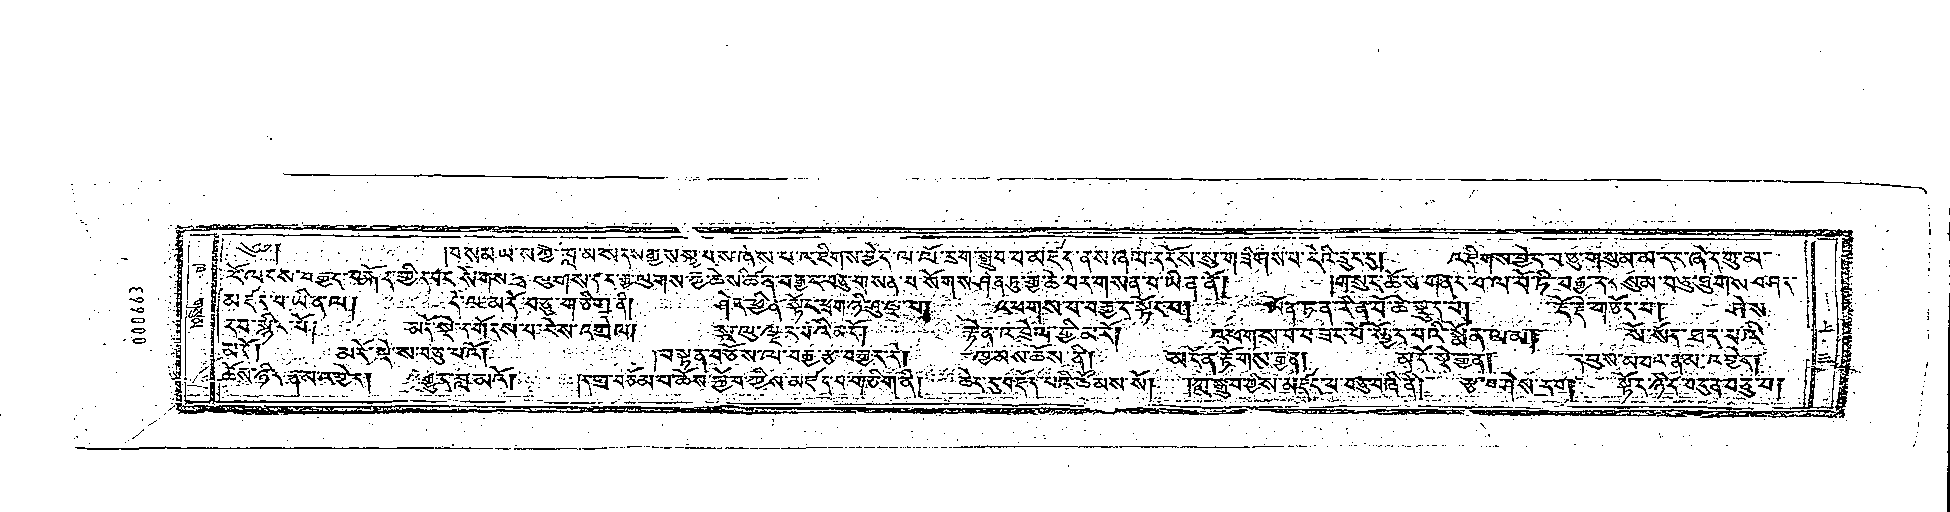༄༅། །བསམ་ཡས་ཀྱི་བླ་མས་སངས་རྒྱས་སྐྱབས་ཞེས་པ་འཇིགས་བྱེད་ལ་ལོ་དྲུག་སྒྲུབ་པ་མཛད་ནས་ཞལ་དངོས་སུ་གཟིགས་པ་དེའི་དྲུང་དུ། འཇིགས་བྱེད་བཅུ་གསུམ་མ་དང་ཞེ་དགུ་མ་
ངོ་ལངས་བརྒྱད་བསྐོར་གྱི་དབང་སོགས་རྭ་ལུགས་དང་རྒྱ་ལུགས་ཀྱི་ཆོས་ཚིན་བརྒྱད་བཅུ་གསན་པ་སོགས་ཤིན་ཏུ་རྒྱ་ཆེ་བར་གསན་པ་ཡིན་ནོ། །གསུང་ཆོས་གནང་བ་ལ་པོ་ཏི་བརྒྱ་དང་སུམ་བཅུ་ཐུགས་བཤར་
མཛད་པ་ཡིན་ལ། དེ་ལ་མདོ་བཅུ་གཅིག་ནི། ཤེར་ཕྱིན་སྟོང་ཕྲག་ཉི་ཤུ་ལྔ་པ། འཕགས་པ་བརྒྱད་སྟོང་པ། ཡོན་ཏན་རིན་པོ་ཆེ་སྡུད་པ། རྡོ་རྗེ་གཅོད་པ། ཤེས་
རབ་སྙིང་པོ༑ མདོ་སྡེ་དགོངས་པ་ངེས་འགྲེལ། སཱ་ལུ་ལྗང་པའི་མདོ། རྟེན་འབྲེལ་གྱི་མདོ། འཕགས་བ་བཟང་པོ་སྤྱོད་པའི་སྨོན་ལམ། སོ་སོར་ཐར་པའི་
མདོ། མདོ་སྡེ་ས་བཅུ་པའོ། །བསྟན་བཅོས་ལ་བརྒྱ་རྩ་བརྒྱད་དེ། ཁྱམས་ཆོས་ནི། མངོན་རྟོགས་རྒྱན། མདོ་སྡེ་རྒྱན། དབུས་མ་བའི་རྣམ་འབྱེད།
ཆོས་ཉིད་རྣམ་འབྱེད། རྒྱུད་བླ་མའོ། །དགྲ་བཅོམ་པ་ཆོས་སྐྱོབ་ཀྱིས་མཛད་པ་གཅིག་ནི། ཆེད་དུ་བརྗོད་པའི་ཚོམས་སོ། །ཀླུ་སྒྲུབ་ཀྱིས་མཛད་པ་བཅུ་བཞི་ནི། རྩ་བ་ཤེས་རབ། སྟོང་ཉིད་བདུན་བཅུ་པ།